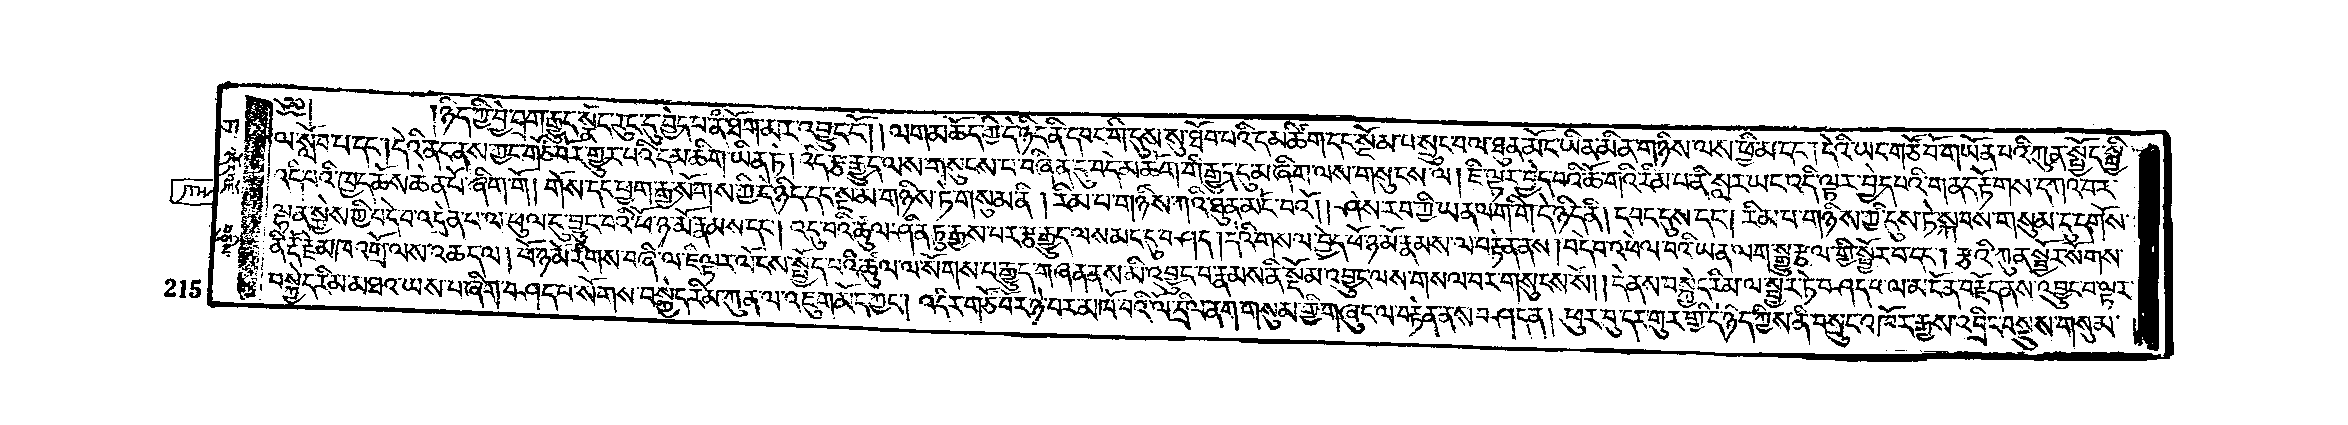༄༅། །ཉིད་ཀྱི་བྱེ་བྲག་རྒྱུད་སྣོད་རུང་དུ་བྱེད་པ་ནི་ཐོག་མར་འབྱུང་ངོ། །ལག་མཆོད་ཀྱི་དེ་ཉིད་ནི་དབང་གི་དུས་སུ་ཐོབ་པའི་དམ་ཚིག་དང་སྡོམ་པ་སྲུང་བ་ལ་ཐུན་མོང་ཡིན་མིན་གཉིས་ལས་ཕྱི་མ་དང་། དེའི་ཡང་གཙོ་བོ་གཡོན་པའི་ཀུན་སྤྱོད་སྤྱི་
ལ་སློབ་པ་དང་། དེའི་ནང་ནས་ཀྱང་གཙོ་བོར་གྱུར་པའི་དམ་ཚིག་ཡིན་ཏེ། འདི་རྩ་རྒྱུད་ལས་གསུངས་པ་བཞིན་དུ་བདེ་མཆོག་གི་རྒྱུད་དུ་མ་ཞིག་ལས་གསུངས་ལ། ཇི་ལྟར་བྱེད་པའི་ཆོ་གའི་རིམ་པ་ནི་སླར་ཡང་འདི་ལྟར་བྱེད་པའི་གནད་རྟོགས་དཀའ་བའི་
འདི་པའི་ཁྱད་ཆོས་ཆེན་པོ་ཞིག་གོ། གོས་དང་ཕྱག་རྒྱ་སོགས་ཀྱི་དེ་ཉིད་དང་སྔ་མ་གཉིས་ཏེ་གསུམ་ནི། རིམ་པ་གཉིས་ཀའི་ཐུན་མོང་བའོ། །ཤེས་རབ་ཀྱི་ཡན་ལག་གི་དེ་ཉིད་ནི། དབང་དུས་དང་། རིམ་པ་གཉིས་ཀྱི་དུས་ཏེ་སྐབས་གསུམ་དུ་དགོས།
ལྷན་སྐྱེས་ཀྱི་བདེ་བ་འདྲེན་པ་ལ་ཕུལ་དུ་བྱུང་བའི་ཕོ་ཉ་མོ་རྣམས་དང་། འདུ་བའི་ཚུལ་ཤིན་ཏུ་རྒྱས་པར་རྩ་རྒྱུད་ལས་མང་དུ་བཤད། དེའི་གསལ་བྱེད་ཕོ་ཉ་མོ་རྣམས་ལ་བརྟེན་ནས། བདེ་བ་འཕེལ་བའི་ཡན་ལག་སྒྱུ་རྩལ་གྱི་སྦྱོར་བ་དང་། རྩའི་ཀུན་སྦྱོར་སོགས་
ནི་རྡོ་རྗེ་མཁའ་འགྲོ་ལས་འཆད་ལ། ཕོ་ཉ་མོ་རིགས་བཞི་ལ་ཇི་ལྟར་ལོངས་སྤྱོད་པའི་ཚུལ་ལ་སོགས་པ་རྒྱུད་གཞན་ནས་མི་འབྱུང་བ་རྣམས་ནི་སྡོམ་འབྱུང་ལས་གསལ་བར་གསུངས་སོ། །དེ་ནས་བསྐྱེད་རིམ་ལ་སྦྱར་ཏེ་བཤད་པ་ལ་མངོན་བརྗོད་ནས་འབྱུང་བ་ལྟར་
བསྐྱེད་རིམ་མཐའ་ཡས་པ་ཞིག་བཤད་པ་སོགས་བསྐྱེད་རིམ་ཀུན་ལ་འཇུག་མོད་ཀྱང་། འདིར་གཙོ་བོར་ཉེ་བར་མཁོ་བའི་ལོ་དྲིལ་ནག་གསུམ་གྱི་གཞུང་ལ་བརྟེན་ནས་བཤད་ན། ཕུར་བུ་དང་གུར་གྱི་དེ་ཉིད་ཀྱིས་ནི་བསྲུང་འཁོར་རྒྱས་འབྲིང་བསྡུས་གསུམ་